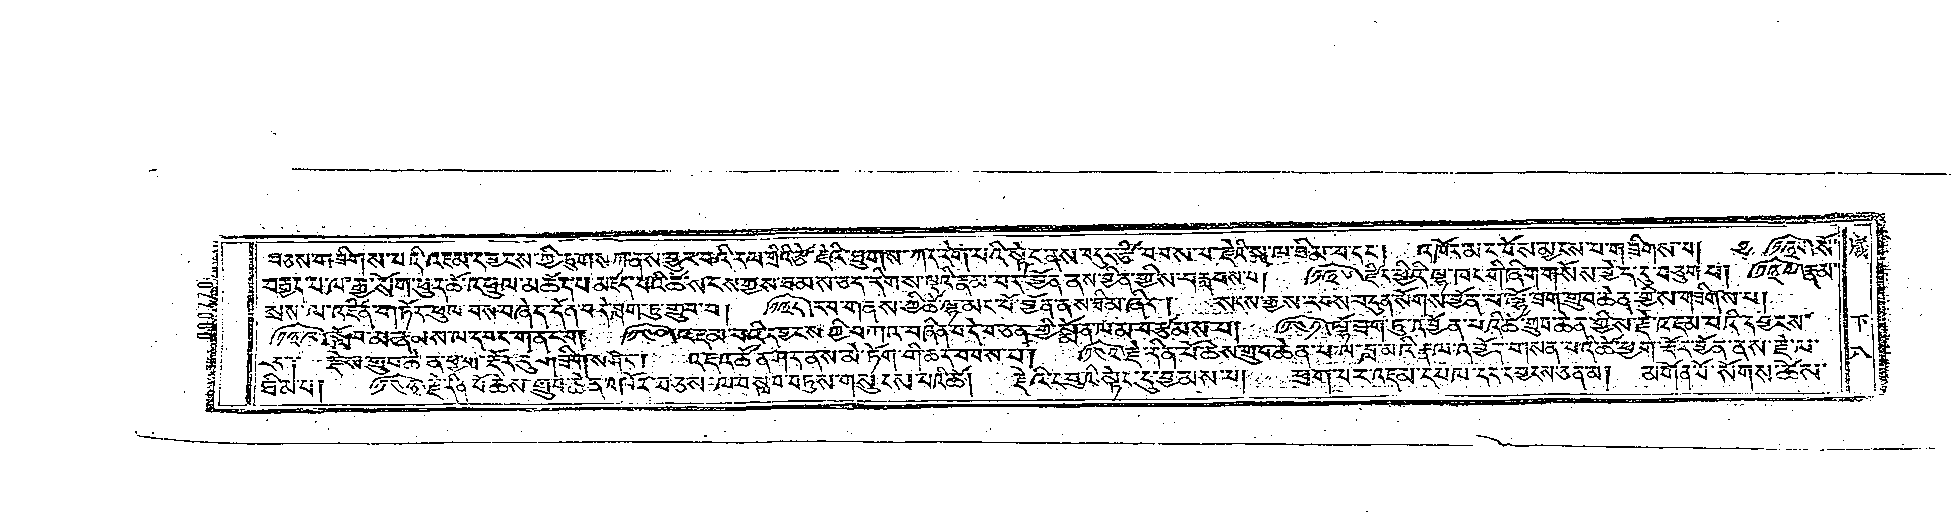བཅས་གཟིགས་པའི་འཇམ་དབྱངས་ཀྱི་ཐུགས་ཀ་ནས་བྱུང་བའི་རལ་གྲིའི་རྩེ་རྗེའི་ཐུགས་ཀར་རེག་པའི་སྟེང་ནས་བདུད་རྩི་བབས་པ་རྗེའི་སྐུ་ལ་ཐིམ་བ་དང་། འཁོར་མང་པོས་མྱངས་པ་གཟིགས་པ། ༧ ༡༣༥?་སོ་
བརྒྱད་པ་ལ་རྒྱ་སོག་ཕུར་ཆོ་འཕྲུལ་མཆོད་པ་མཛད་པའི་ཚེ་སངས་རྒྱས་ཐམས་ཅད་རིགས་ལྔའི་རྣམ་པར་བྱོན་ནས་བྱིན་གྱིས་བརླབས་པ། ༼༡༣༦?་རྫིང་ཕྱིའི་ལྷ་ཁང་གི་ཞིག་གསོས་བྱེད་དུ་བཅུག་པ། ༽༡༣༧?་རྣམ་
སྲས་ལ་འཛིན་གཏོར་ཕུལ་བས་བཞེད་དོན་བདེ་བླག་ཏུ་གྲུབ་བ། ༡༣༨?་རབ་གནས་ཀྱི་ཚེ་ལྷ་མང་པོ་བྱོན་ནས་ཐིམ་ཞིང་། སངས་རྒྱས་རབས་བདུན་སོགས་བྱོན་པ་ལྷོ་བྲག་གྲུབ་ཆེན་གྱིས་གཟིགས་པ།
༼༡༣༩?་སློབ་མ་རྣམས་ལ་དབང་གནང་བ། ༽༡༤༠?་འཇམ་པའི་དབྱངས་ཀྱི་བཀའ་བཞིན་བདེ་བ་ཅན་གྱི་སྨོན་ལམ་བརྩམས་པ། ༡༤༡?་ལྟོ་བྲག་ཏུ་འབྱོན་པའི་ཆེ་གྲུབ་ཆེན་གྱིས་རྗེ་འཇམ་པའི་དབྱངས་
དང༑ རྗེས་གྲུབ་ཆེན་ཕྱག་རྡོར་དུ་གཟིགས་ཤིང་། འཇའ་ཚོན་ཤར་ནས་མེ་ཏོག་གི་ཆར་བབས་པ། ༡༤༢?་རྗེ་རིན་པོ་ཆེས་གྲུབ་ཆེན་པ་ལ་བླ་མའི་རྣལ་འབྱོར་གསན་པའི་ཚེ་ཕྱག་རྡོར་བྱོན་ནས་རྗེ་ལ་
ཐིམ་པ། ༡༤༣?་རྗེ་རིན་པོ་ཆེས་གྲུབ་ཆེན་འཁོར་བཅས་ལ་བསླབ་བཏུས་གསུངས་པའི་ཚེ། རྗེའི་དབུའི་སྟེང་དུ་བྱམས་པ། ཕྲག་པར་འཇམ་དཔལ་དང་དབྱངས་ཅན་མ། མགོན་པོ་སོགས་ཆོས་